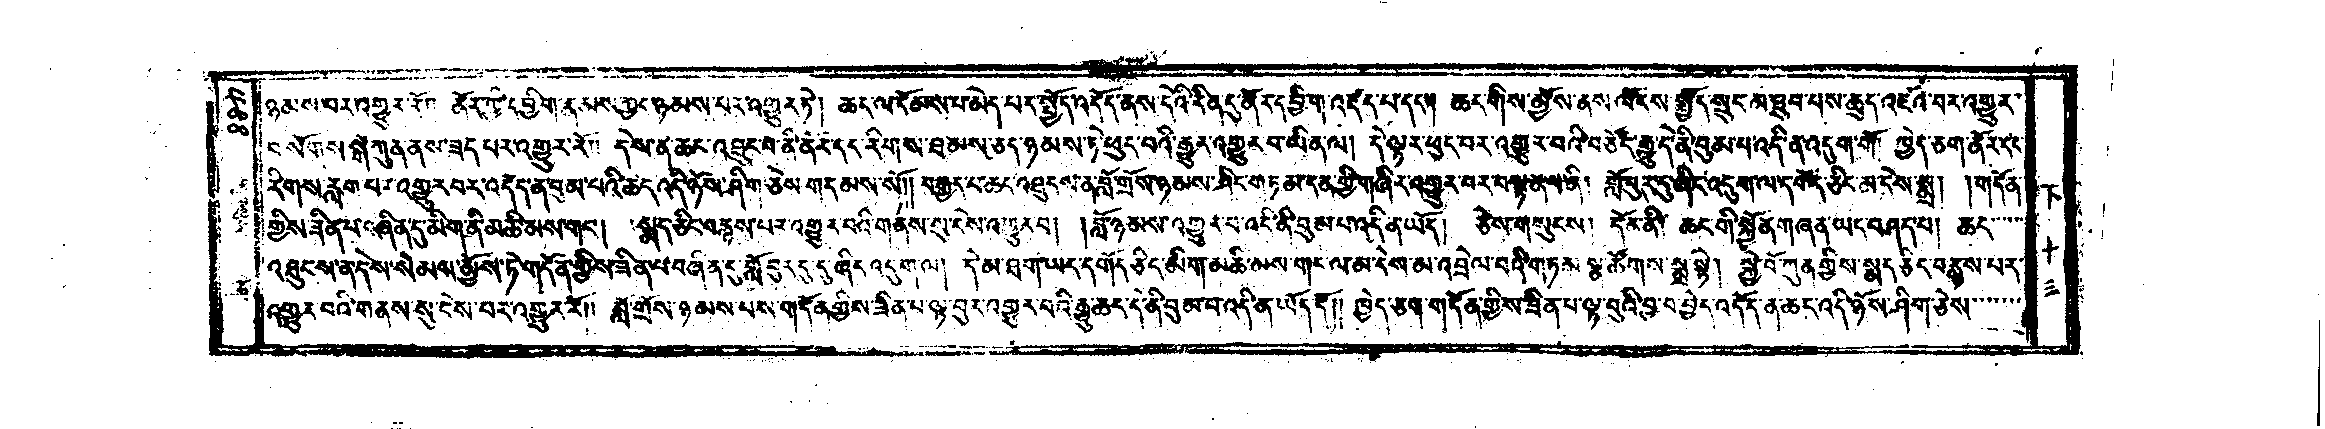ཉམས་པར་འགྱུར་རོ།། ནོར་གྱི་དབྱིག་རྣམས་ཀྱང་ཉམས་པར་འགྱུར་ཏེ། ཆང་ལ་ངོམས་པ་མེད་པར་སྤྱོད་འདོད་ནས་དེའི་རིན་དུ་ནོར་དབྱིག་འཛད་པ་དང་། ཆང་གིས་མྱོས་ནས་ལོངས་སྤྱོད་སྲུང་མ་ཐུབ་པས་ཆུང་འཛའ་བར་འགྱུར་
བ་སོགས་སྒོ་ཀུན་ནས་ཟད་པར་འགྱུར་རོ།། དེས་ན་ཆང་འཐུང་བ་ནི་ནོར་དང་རིགས་ཐམས་ཅད་ཉམས་ཏེ་ཕུང་བའི་རྒྱུར་འགྱུར་བ་ཡིན་ལ། དེ་ལྟར་ཕུང་བར་འགྱུར་བའི་བཙོད་རྒྱུ་དེ་ནི་བུམ་པ་འདི་ན་འདུག་གོ། ཁྱེད་ཅག་ནོར་དང་
རིགས་རླག་པར་འགྱུར་བར་འདོད་ན་བུམ་པའི་ཆང་འདི་ཉོས་ཤིག་ཅེས་གདམས་སོ།། བརྒྱད་པ་ཆང་འཐུངས་ན་བློ་གྲོས་ཉམས་ཤིང་གཏམ་དན་གྱི་གཞིར་འགྱུར་བར་བསྟན་པ་ནི། གློ་བུར་དུ་ཞིང་འདུག་ལ་དགོད?་ཅིང་མ་དེས་སྨྲ། །གདོན་
གྱིས་ཟིན་པ་བཞིན་དུ་མིག་ནི་མཆི་མས་གང་། །སྨད་ཅིང་བརྙས་པར་འགྱུར་བའི་གནས་སུ་ངེས་འགྱུར་བ། །བློ་ཉམས་འགྱུར་བ་འདི་ནི་བུམ་པ་འདི་ན་ཡོད། ཅེས་གསུངས། དོན་ནི། ཆང་གི་སྐྱོན་གཞན་ཡང་བཤད་པ། ཆང་
འཐུངས་ན་དེས་སེམས་མྱོས་ཏེ་གདོན་གྱིས་ཟིན་པ་བཞིན་དུ་གློ་བུར་དུ་དུ་ཞིང་འདུག་ལ། དེ་མ་ཐག་ཡང་དགོད་ཅིང་མིག་མཆི་མས་གང་ལ་མ་ངེས་མ་འབྲེལ་བའི་གཏམ་སྣ་ཚོགས་སྨྲ་སྟེ། སྐྱེ་བོ་ཀུན་གྱིས་སྨད་ཅིང་བརྙས་པར་
འགྱུར་བའི་གནས་སུ་ངེས་པར་འགྱུར་རོ།། བློ་གྲོས་ཉམས་པས་གདོན་གྱིས་ཟིན་པ་ལྟ་བུར་འགྱུར་བའི་རྒྱུ་ཆང་དེ་ནི་བུམ་པ་འདི་ན་ཡོད་དོ།། ཁྱེད་ཅག་གདོན་གྱིས་ཟིན་པ་ལྟ་བུའི་བྱ་བ་བྱེད་འདོད་ན་ཆང་འདི་ཉོས་ཤིག་ཅེས་